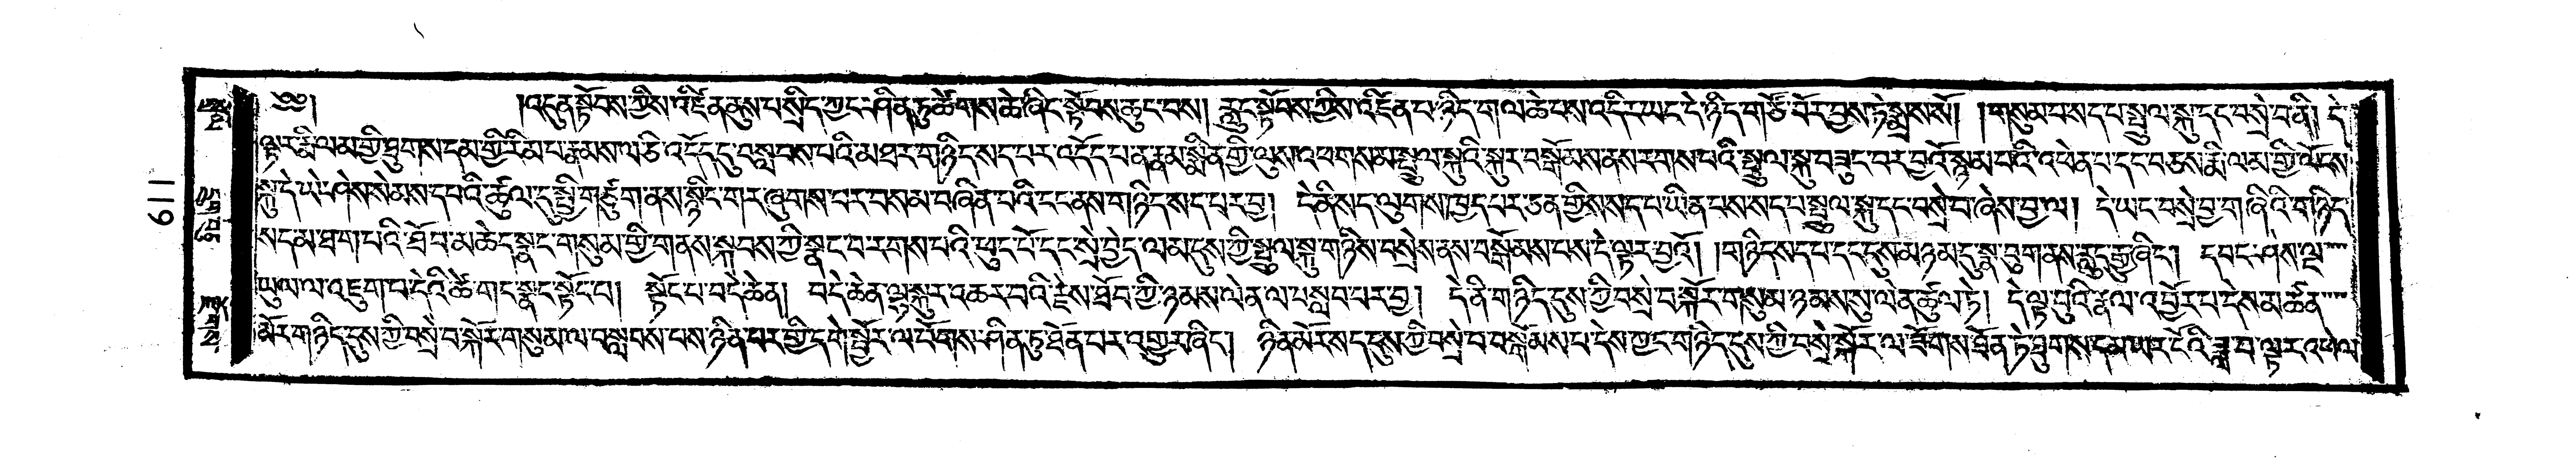༄༅། །འདུན་སྟོབས་ཀྱིས་འཛིན་ནུས་པ་སྲིད་ཀྱང་ཤིན་ཏུ་ཚེགས་ཆེ་ཞིང་སྟོབས་ཆུང་བས། རླུང་སྟོབས་ཀྱིས་འཛིན་པ་ཉིད་གལ་ཆེ་བས་འདིར་ཡང་དེ་ཉིད་གཙོ་བོར་བྱས་ཏེ་སྨྲས་སོ། །གསུམ་པ་སད་བ་སྤྲུལ་སྐུ་དང་བསྲེ་བ་ནི། དེ་
ལྟར་རྨི་ལམ་གྱི་ཐུགས་དམ་གྱི་རིམ་པ་རྣམས་ལ་ཅི་འདོད་དུ་བསླབས་པའི་མཐར་གཉིད་སད་པར་འདོད་པ་ན་རྣམ་སྨིན་གྱི་ལུས་འཕགས་མ་སྤྲུལ་སུའི་སྐུར་བསྒོམས་ནས་རགས་པའི་སྤྲུལ་སྐུ་གཟུང་བར་བྱའོ་སྙམ་པའི་འཕེན་པ་དང་བཅས་རྨི་ལམ་གྱི་ལོངས་
ཏུ་དེ་ཡེ་ཤེས་སེམས་དཔའི་ཚུལ་དུ་སྤྱི་གཙུག་ནས་སྙིང་གར་ཞུགས་པར་བསམ་བཞིན་པའི་ངང་ནས་གཉིད་སད་པར་བྱ། དེ་ནི་སད་ལུགས་ཁྱད་པར་ཅན་གྱིས་སད་པ་ཡིན་པས་སད་པ་སྤྲུལ་སྐུ་དང་བསྲེ་བ་ཞེས་བྱ་ལ། དེ་ཡང་བསྲེ་བྱ་གཞིའི་གཉིད་
སད་མ་ཐག་པའི་ཐོབ་མཆེད་སྣང་གསུམ་གྱི་གནས་སྐབས་ཀྱི་སྣང་བ་རགས་པའི་ཕུང་པོ་དང་སྲེ་བྱེད་ལམ་དུས་ཀྱི་སྤྲུལ་སྐུ་གཉིས་བསྲེས་ནས་བསྒོམས་པས་དེ་ལྟར་བྱའོ། །གཉིད་སད་པ་དང་དུས་མཉམ་དུ་སྣ་བུག་ནས་རླུང་རྒྱུ་ཞིང་། དབང་ཤེས་ལྔ་
ཡུལ་ལ་འཇུག་པ་དེའི་ཚེ་གང་སྣང་སྟོང་པ། སྟོང་པ་བདེ་ཆེན། བདེ་ཆེན་ལྷ་སྐུར་འཆར་བའི་རྗེས་ཐོབ་ཀྱི་ཉམས་ལེན་ལ་བསླབ་པར་བྱ། དེ་ནི་གཉིད་དུས་ཀྱི་བསྲེ་བ་སྐོར་གསུམ་ཉམས་སུ་ལེན་ཚུལ་ཏེ། དེ་ལྟ་བུའི་རྣལ་འབྱོར་བ་དེས་མཚན་
མོར་གཉིད་དུས་ཀྱི་བསྲེ་བ་སྐོར་གསུམ་ལ་བསླབས་པས་ཉིན་པར་གྱི་དགེ་སྦྱོར་ལ་བོགས་ཤིན་ཏུ་ཐོན་པར་འགྱུར་ཞིང་། ཉིན་མོར་སད་དུས་ཀྱི་བསྲེ་བ་བསྒོམས་པ་དེས་ཀྱང་གཉིད་དུས་ཀྱི་བསྲེ་སྐོར་ལ་བོགས་ཐོན་ཏེ་ཐུགས་དམ་ཡར་ངོའི་ཟླ་བ་ལྟར་འཕེལ་